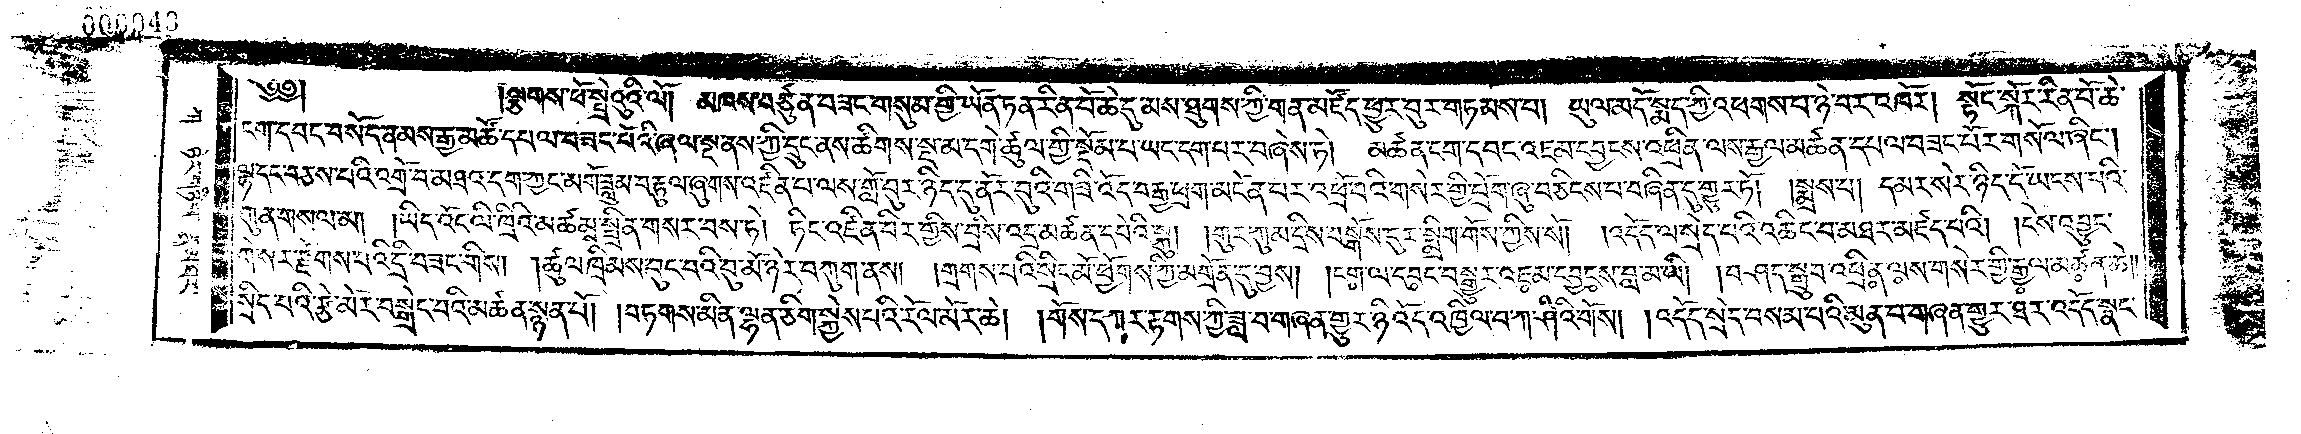༄༅། །ལྕགས་ཕོ་སྤྲེའུའི་ལོ། མཁས་བཙུན་བཟང་གསུམ་གྱི་ཡོན་ཏན་རིན་པོ་ཆེ་དུ་མས་ཐུགས་ཀྱི་གན་མཛོད་ཕྱུར་བུར་གཏམས་པ། ཡུལ་མདོ་སྨད་ཀྱི་འཕགས་པ་ཉེ་བར་འཁོར། སྟོང་སྐོར་རིན་པོ་ཆེ་
ངག་དབང་བསོད་ནམས་རྒྱ་མཚོ་དཔལ་བཟང་པོའི་ཞལ་སྔ་ནས་ཀྱི་དྲུང་ནས་ཚིགས་སྔ་མ་དགེ་ཚུལ་གྱི་སྔོམ་པ་ཡང་ངག་པར་བཞེས་ཏེ། མཚན་ངག་དབང་འཇམ་དབྱངས་འཕྲིན་ལས་རྒྱལ་མཚན་དཔལ་བཟང་པོར་གསོལ་ཞིང་།
ལྷ་དང་བཅས་པའི་འགྲོ་བ་མཐའ་དག་ཀྱང་མགོ་ཟླུམ་བརྟུལ་ཞུགས་འཛིན་པ་ལས་གློ་བུར་ཉིད་དུ་ནོར་བུའི་གཟི་འོད་བརྒྱ་ཕྲག་མངོན་པར་འཕྲོ་བའི་གསེར་གྱི་ཕྲོག་ཞུ་བཅིངས་པ་བཞིན་དུ་གྱུར་ཏོ། །སྨྲས་པ། དམར་སེར་ཉིད་དོ་ཡངས་པའི་
ཀུན་གསལ་མ། །ཡིད་འོང་ལི་ཁྲིའི་མཚམས་སྤྲིན་གསར་བས་ཏེ། ཏིང་འཛིན་བི་ར་གྱིས་བྲིས་འདྲ་མཚན་དཔེའི་སྐུ། །གུར་ཀུམ་དྲིས་བསྒོས་དུར་སྨྲིག་གོས་ཀྱིས་སོ། །འདོད་ལ་སྲེད་པའི་འཆིང་བ་མཐར་མཛད་པའི། །ངེས་འབྱུང་
གེ་སར་རྫོགས་པའི་དྲི་བཟང་གིས། །ཚུལ་ཁྲིམས་འུང་བའི་བུ་མོ་ཉེར་བཀུག་ནས། །གྲགས་པའི་སྲིང་མོ་ཕྱོགས་ཀྱི་མགྲོན་དུ་བྱས། །ངག་ལ་དབང་བསྒྱུར་འཇམ་དབྱངས་བླ་མ་ཡི། །བཤད་སྒྲུབ་འཕྲིན་ལས་གསེར་གྱི་རྒྱལ་མཚན་ཆེ།།
སྲིད་པའི་རྩེ་མོར་བསྒྲེང་བའི་མཚན་སྙན་པོ། །བཏགས་མིན་ལྷན་ཅིག་སྐྱེས་པའི་རོལ་མོར་ཆེ། །གོས་དཀར་རྟགས་ཀྱི་ཟླ་བ་གཞན་གྱུར་ཉི་འོད་འཁྱིལ་བ་ཀ་ཤིའི་གོས། །འདོད་སྲེད་བསམ་པའི་མུན་པ་གཞན་གྱུར་ཐར་འདོད་སྣང་